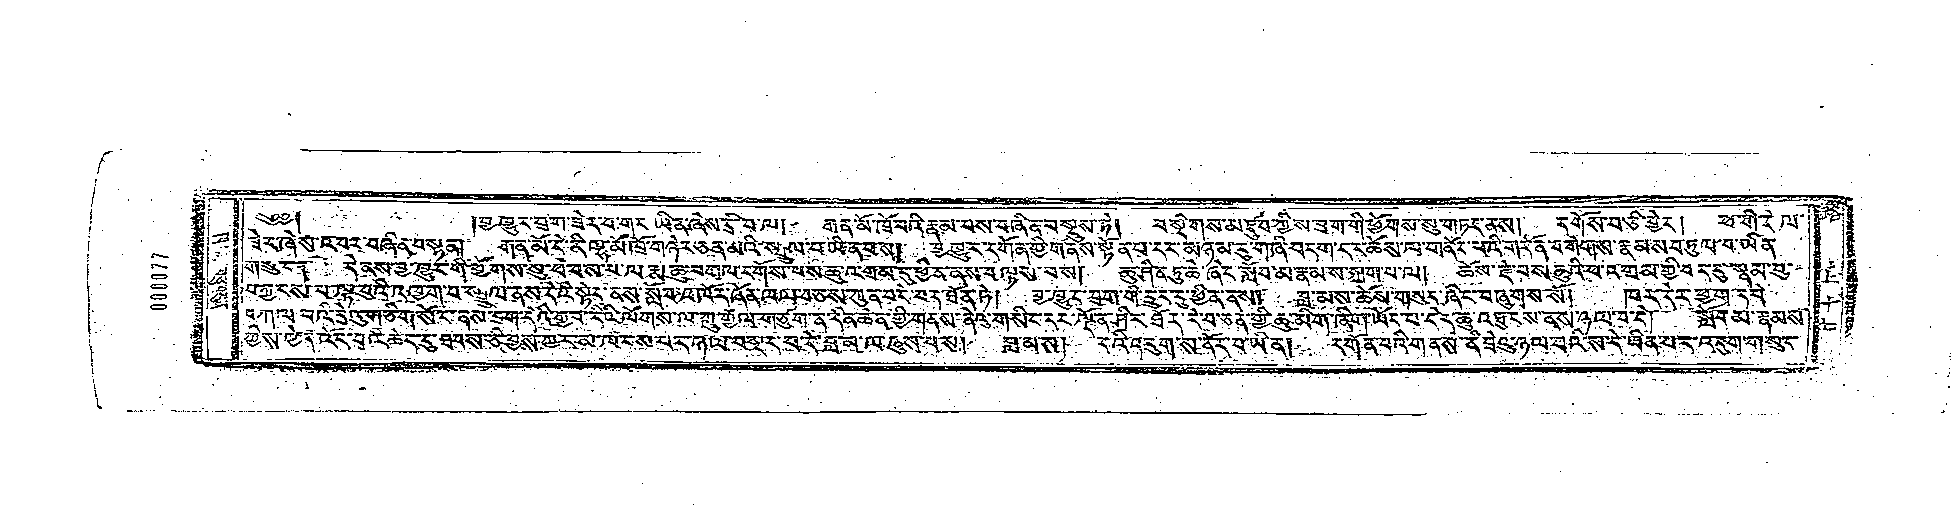༄༅། །བྱ་ཁྱུང་བྲག་ཟེར་བ་གང་ཡིན་ཞེས་དྲི་བ་ལ། རྒན་མོ་ཁྲོ་བའི་རྣམ་པས་བཞིན་བསྡུས་ཏེ། བསྡིགས་མཛུབ་ཀྱིས་བྲག་གི་ཕྱོགས་སུ་གཏང་ནས། དགོས་བ་ཅི་བྱེད། ཕ་གི་དེ་ལ་
ཟེར་ཞེས་འབར་བཞིན་བསྟན། རྒན་མོ་དེ་ནི་ལྷ་མོ་ཁྲོ་གཉེར་ཅན་མའི་སྤྲུལ་པ་ཡིན་བས། བྱ་ཁྱུད་དགོན་གྱི་གནས་སྟོན་པ་དང་མཉམ་དུ་གཞི་བདག་དང་ཆོས་ལ་གནོང་པའི་གདོན་བགེགས་རྣམས་བཏུལ་བ་ཡིན་
གསུང༑ དེ་ནས་བྱ་ཁྱུང་གི་ཕྱོགས་སུ་ཕེབས་པ་ལ་རྨ་ཆུ་བགྲོལ་དགོས་པས་ཆུ་འགྲམ་དུ་ཕྱིན་ནས་བལྟས་བས། ཆུ་ཤིན་ཏུ་ཆེ་ཞིང་སློབ་མ་རྣམས་སྐྲག་པ་ལ། ཆོས་རྗེ་བས་ཆུའི་ཕ་འགྲམ་གྱི་བར་དུ་སྣམ་བུ་
བརྐྱངས་པ་ལྟ་བུའི་འཁྱག་བ་སྤྲུལ་ནས་དེའི་སྟེང་ནས་སློབ་འཁོར་ཞོན་ཁལ་བཅས་ཀུན་བདེ་བ་ཐོན་ཏེ། བྱ་ཁྱུང་བྲག་གི་དྲུང་དུ་ཕྱིན་ནས། བླ་མས་ཆོས་གསུང་ཞིང་བཞུགས་སོ། ཁར་དེར་ཕྱག་དཔེ་
བཀལ་བའི་དྲེའུ་གཅིག་སོང་ནས་བྲག་དེའི་རྒྱབ་རིའི་ལོགས་ལ་ཀླུ་རྒྱལ་གཙུག་ན་རིན་ཆེན་གྱི་གནས་ནེའུ་གསིང་དང་ལྗོན་ཤིང་ཐོར་རེ་བ་ཅན་གྱི་ཆུ་མིག་ཞིག་ཡོད་པ་དེར་ཆུ་འཐུངས་ནས་ཉལ་བ་དེ། སློབ་མ་རྣམས་
ཀྱིས་ཁྱེར་འོང་བའི་ཆེད་དུ་ཐབས་ཅི་བྱས་ཀྱང་མ་ལངས་བར་ཉལ་བསྡད་བ་དེ་བླ་མ་ལ་ཞུས་པས། བླ་མས། ངའི་འདུག་ས་ནོར་བ་ཡིན། དགོན་པའི་གནས་ནི་བྲེའུ་ཉལ་བའི་ས་དེ་ཡིན་པར་འདུག་གསུང་